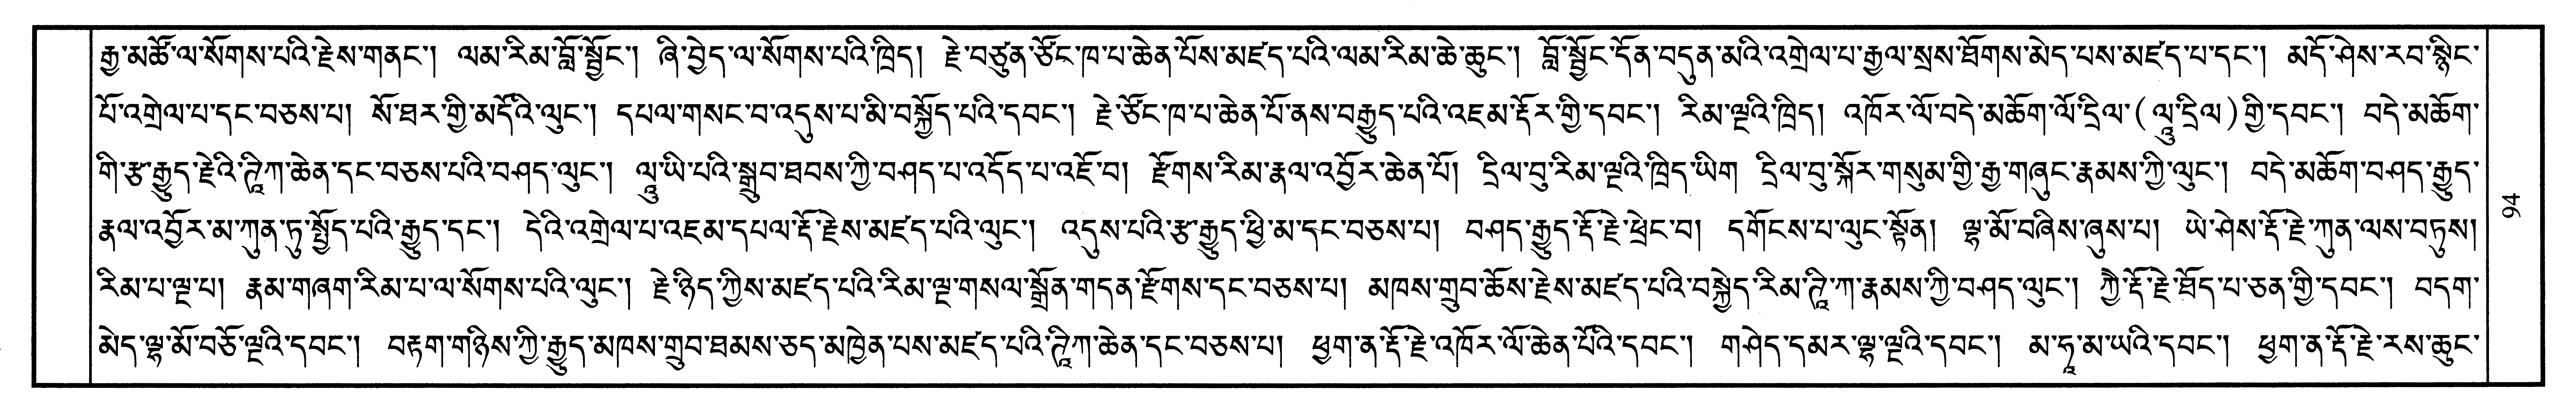རྒྱ་མཚོ་ལ་སོགས་པའི་རྗེས་གནང་། ལམ་རིམ་བློ་སྦྱོང་། ཞི་བྱེད་ལ་སོགས་པའི་ཁྲིད། རྗེ་བཙུན་ཙོང་ཁ་པ་ཆེན་པོས་མཛད་པའི་ལམ་རིམ་ཆེ་ཆུང་། བློ་སྦྱོང་དོན་བདུན་མའི་འགྲེལ་པ་རྒྱལ་སྲས་ཐོགས་མེད་པས་མཛད་པ་དང་། མདོ་ཤེས་རབ་སྙིང་
པོ་འགྲེལ་པ་དང་བཅས་པ། སོ་ཐར་གྱི་མདོའི་ལུང་། དཔལ་གསང་བ་འདུས་པ་མི་བསྐྱོད་པའི་དབང་། རྗེ་ཙོང་ཁ་པ་ཆེན་པོ་ནས་བརྒྱུད་པའི་འཇམ་རྡོར་གྱི་དབང་། རིམ་ལྔའི་ཁྲིད། འཁོར་ལོ་བདེ་མཆོག་ལོ་དྲིལ་ལཱུ་དྲིལ་གྱི་དབང་། བདེ་མཆོག་
གི་རྩ་རྒྱུད་རྗེའི་ཊཱིཀ་ཆེན་དང་བཅས་པའི་བཤད་ལུང་། ལཱུ་ཡི་པའི་སྒྲུབ་ཐབས་ཀྱི་བཤད་པ་འདོད་པ་འཇོ་བ། རྫོགས་རིམ་རྣལ་འབྱོར་ཆེན་པོ། དྲིལ་བུ་རིམ་ལྔའི་ཁྲིད་ཡིག །དྲིལ་བུ་སྐོར་གསུམ་གྱི་རྒྱ་གཞུང་རྣམས་ཀྱི་ལུང་། བདེ་མཆོག་བཤད་རྒྱུད་
རྣལ་འབྱོར་མ་ཀུན་ཏུ་སྤྱོད་པའི་རྒྱུད་དང་། དེའི་འགྲེལ་པ་འཇམ་དཔལ་རྡོ་རྗེས་མཛད་པའི་ལུང་། འདུས་པའི་རྩ་རྒྱུད་ཕྱི་མ་དང་བཅས་པ། བཤད་རྒྱུད་རྡོ་རྗེ་ཕྲེང་བ། དགོངས་པ་ལུང་སྟོན། ལྷ་མོ་བཞིས་ཞུས་པ། ཡེ་ཤེས་རྡོ་རྗེ་ཀུན་ལས་བཏུས།
རིམ་པ་ལྔ་པ། རྣམ་གཞག་རིམ་པ་ལ་སོགས་པའི་ལུང་། རྗེ་ཉིད་ཀྱིས་མཛད་པའི་རིམ་ལྔ་གསལ་སྒྲོན་གདན་རྫོགས་དང་བཅས་པ། མཁས་གྲུབ་ཆོས་རྗེས་མཛད་པའི་བསྐྱེད་རིམ་ཊཱི་ཀ་རྣམས་ཀྱི་བཤད་ལུང་། ཀྱཻ་རྡོ་རྗེ་ཐོད་པ་ཅན་གྱི་དབང་། བདག་
མེད་ལྷ་མོ་བཅོ་ལྔའི་དབང་། བརྟག་གཉིས་ཀྱི་རྒྱུད་མཁས་གྲུབ་ཐམས་ཅད་མཁྱེན་པས་མཛད་པའི་ཊཱིཀ་ཆེན་དང་བཅས་པ། ཕྱག་ན་རྡོ་རྗེ་འཁོར་ལོ་ཆེན་པོའི་དབང་། གཤེད་དམར་ལྷ་ལྔའི་དབང་། མ་ཧཱ་མ་ཡའི་དབང་། ཕྱག་ན་རྡོ་རྗེ་རས་ཆུང་